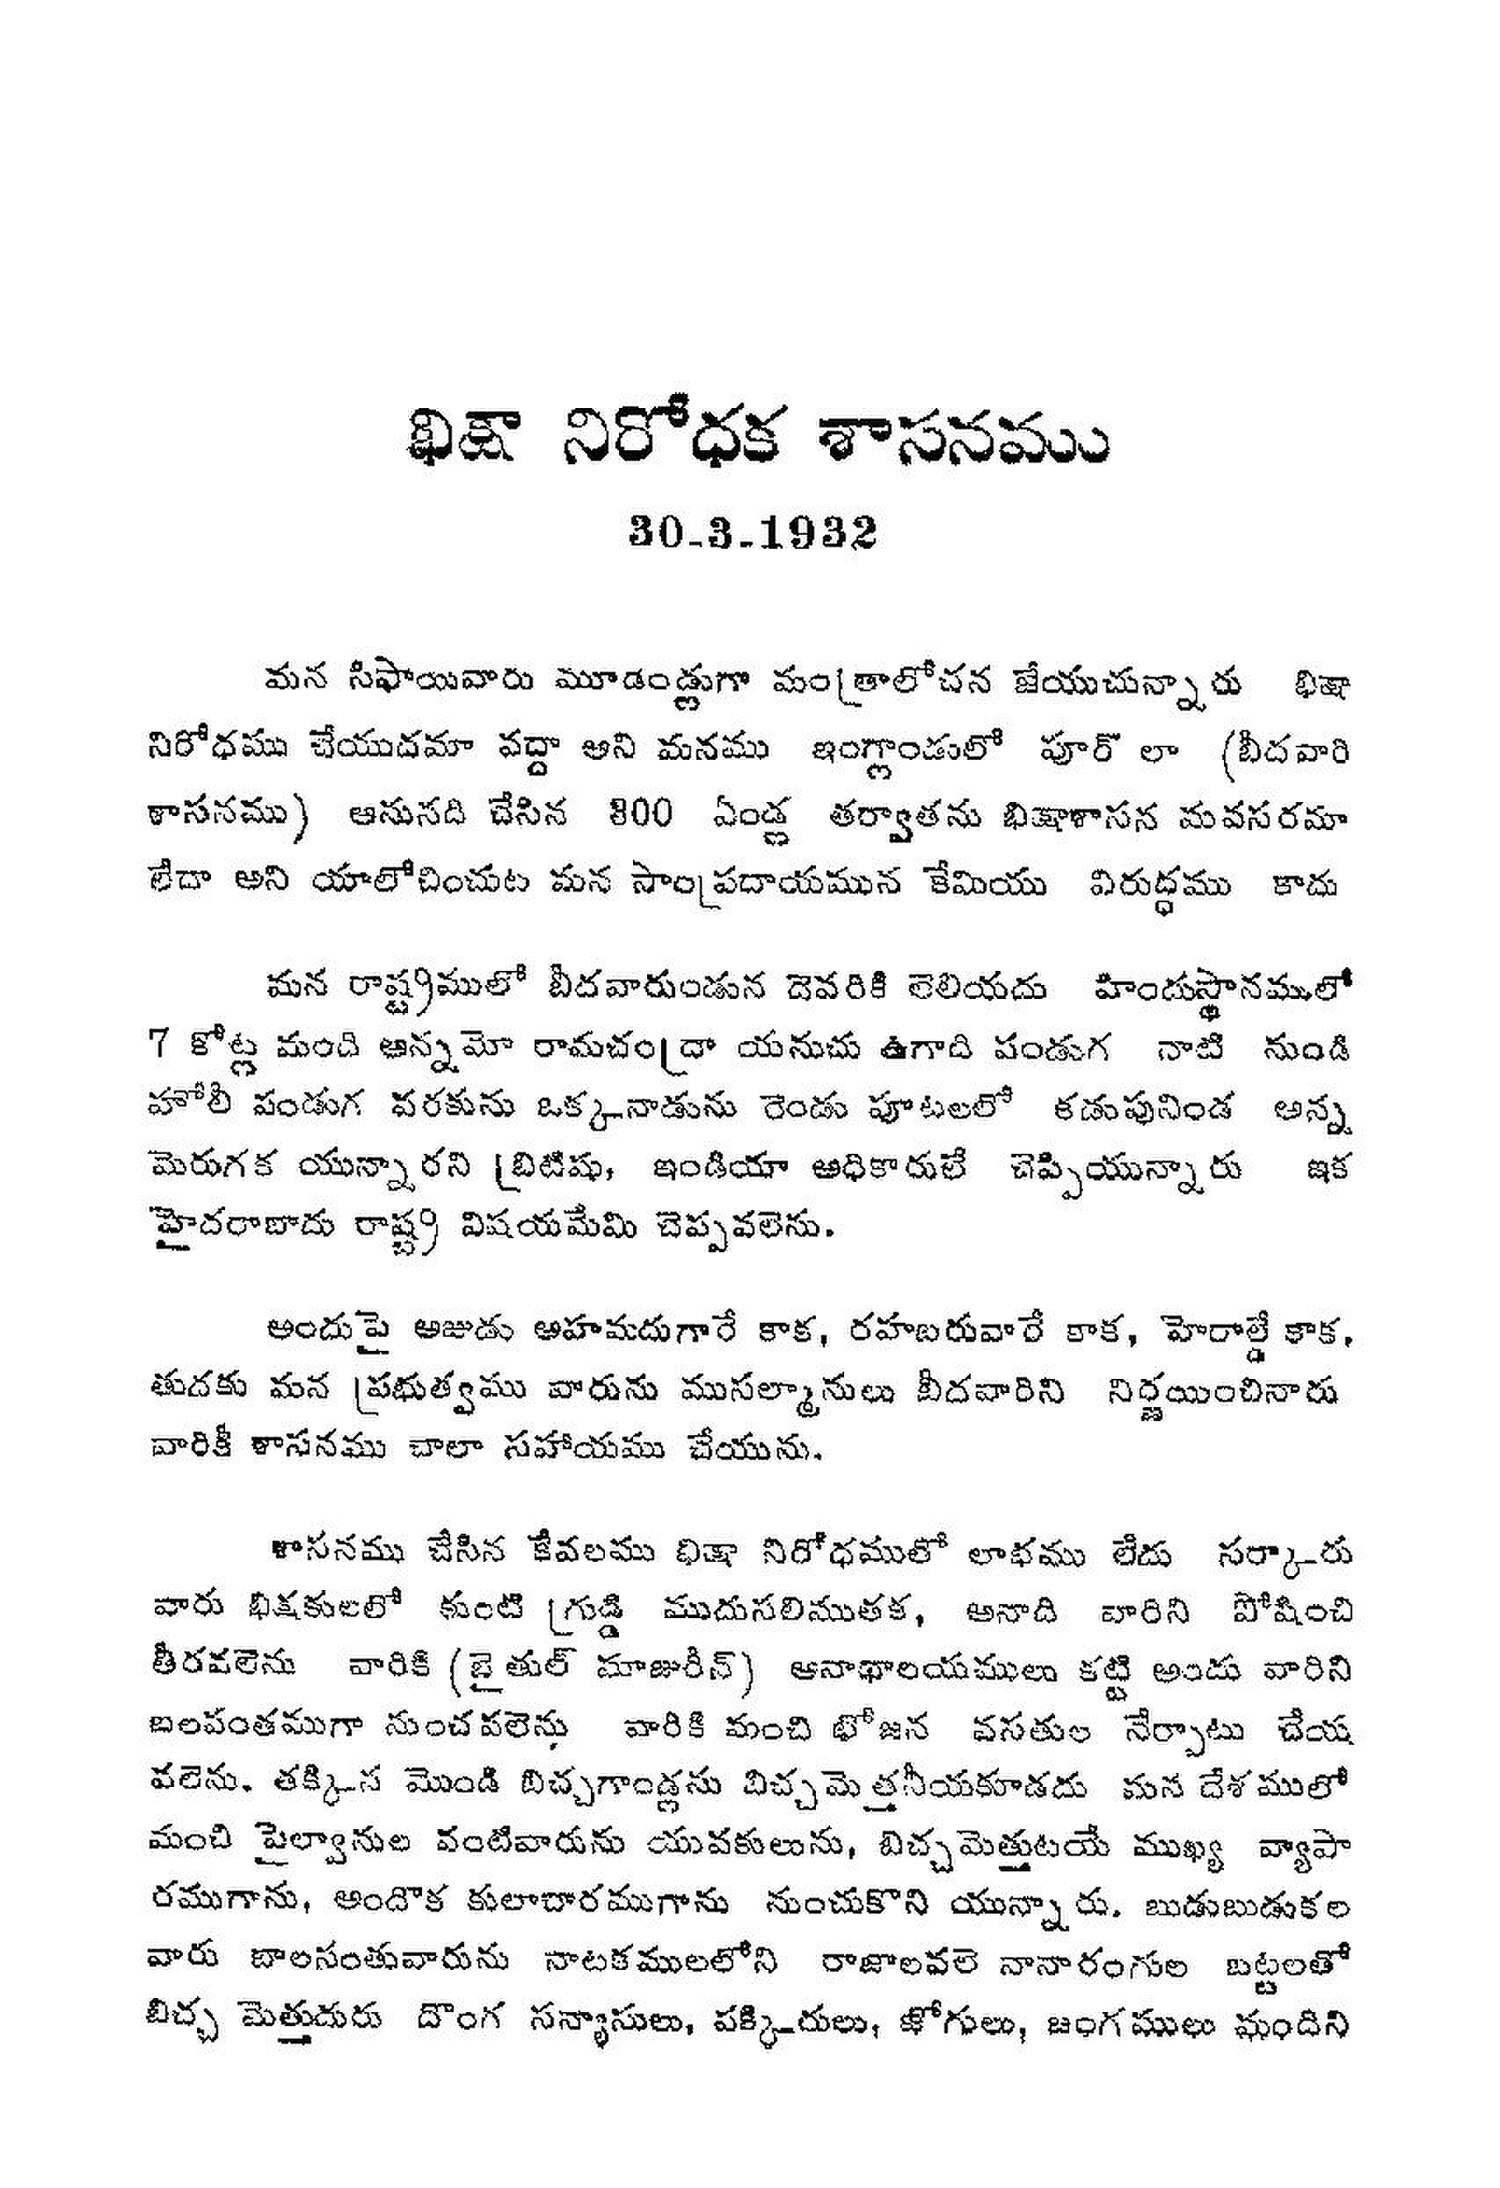భిక్షా నిరోధక శాసనము

30-3-1932

మన సిఫాయివారు మూడెండ్లుగా మంత్రాలోచన జేయుచున్నారు భిక్షా నిరోధము చేయుదమా వద్దా అని మనము ఇంగ్లాండులో పూర్ లా (బీదవారి శాసనము) అనునది చేసిన 300 ఏండ్ల తర్వాతను భిక్షాశాసన మవసరమా లేదా అని యాలోచించుట మన సాంప్రదాయమున కేమియు విరుద్ధము కాదు

మన రాష్ట్రములో బీదవారుండున దెవరికి తెలియదు హిందుస్థానములో 7 కోట్ల మంది ఆన్నమో రామచంద్రా యనుచు ఉగాది పండుగ నాటి నుండి హోలీ పండుగ వరకును ఒక్కనాడును రెండు పూటలలో కడుపునిండ అన్న
మెరుగక యున్నారని బ్రిటిషు, ఇండియా అధికారులే చెప్పియున్నారు ఇక హైదరాబాదు రాష్ట్ర విషయమేమి చెప్పవలెను.

అందుపై అజుడు అహమదుగారే కాక, రహబరువారే కాక, హెరాల్డే కాక, తుదకు మన ప్రభుత్వము వారును ముసల్మానులు బీదవారిని నిర్ణయించినారు వారికీ శాసనము చాలా సహాయము చేయును.

శాసనము చేసిన కేవలము భిక్షా నిరోధములో లాభము లేదు సర్కారువారు భిక్షకులలో కుంటి గ్రుడ్డి ముదుసలిముతక, అనాది వారిని పోషించి తీరవలెను వారికి (బైతుల్ మాజురీన్) అనాథాలయములు కట్టి అందు వారిని బలవంతముగా నుంచవలెను వారికి మంచి భోజన వసతుల నేర్పాటు చేయవలెను. తక్కిన మొండి బిచ్చగాండ్లను బిచ్చమెత్తనీయకూడదు మన దేశములో మంచి పెల్వానుల వంటివారును యువకులును, బిచ్చమెత్తుటయే ముఖ్య వ్యాపారముగాను, అందొక కులాచారముగాను నుంచుకొని యున్నారు. బుడుబుడుకల
వారు బాలసంతువారును నాటకములలోని రాజాలవలె నానారంగుల బట్టలతో బిచ్చ మెత్తుదురు దొంగ సన్యాసులు, పక్కిరులు, జోగులు, జంగములు మందిని